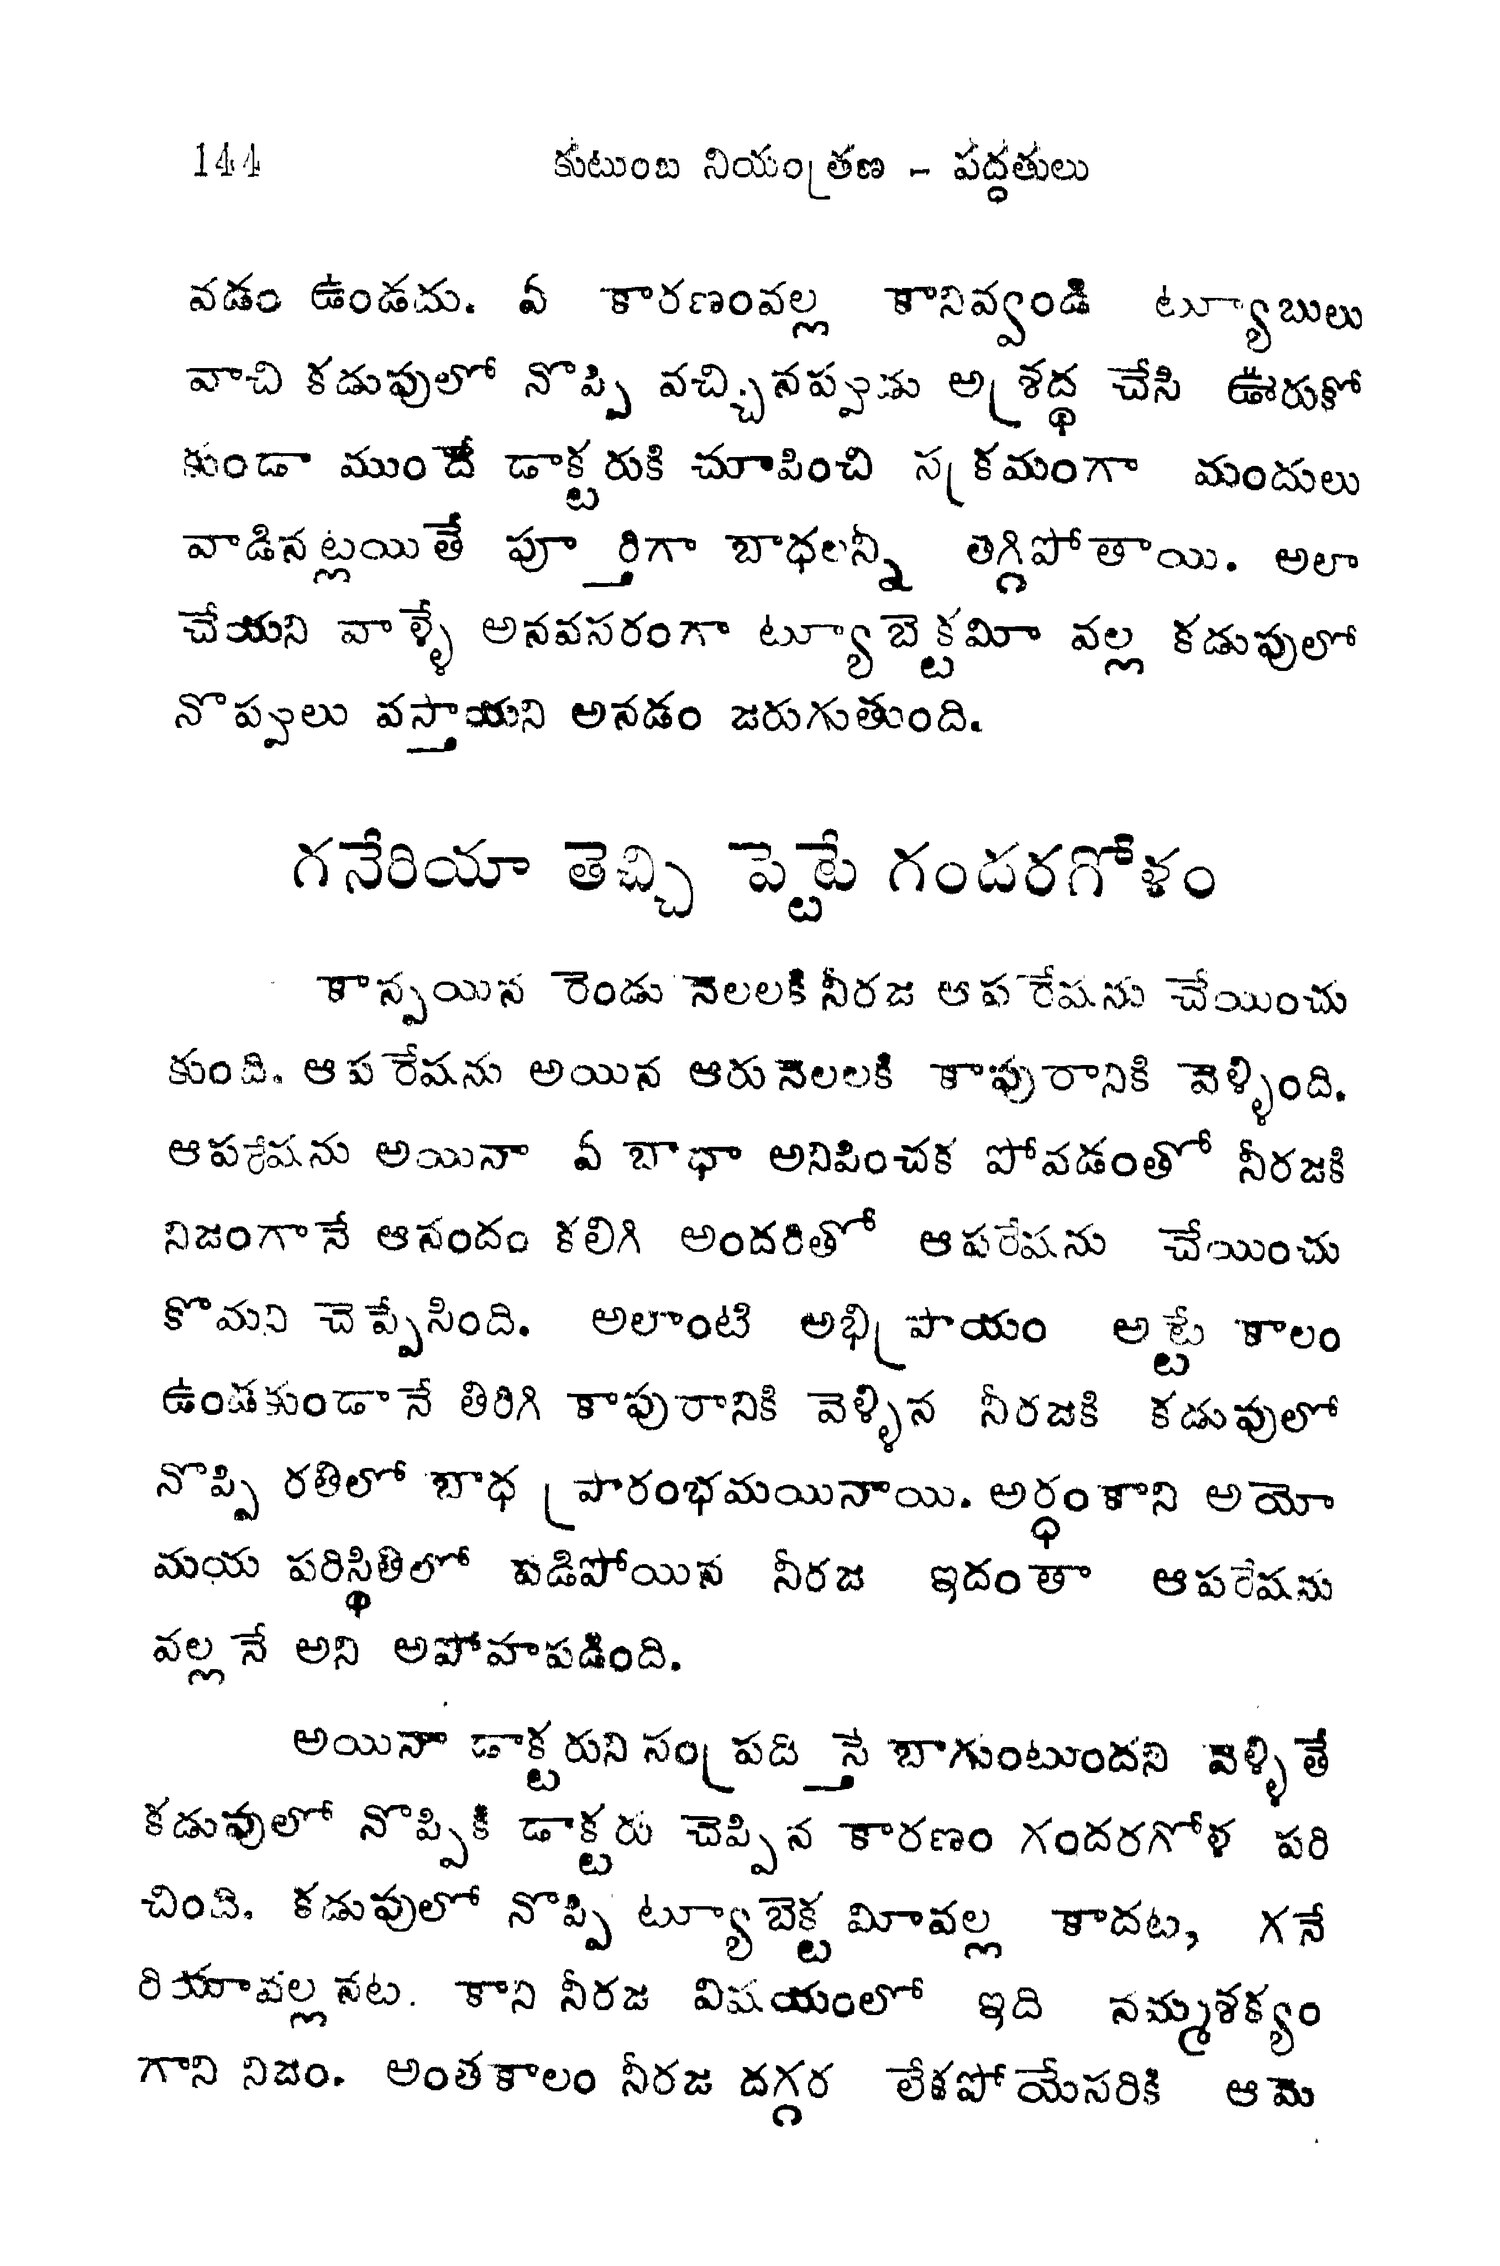వడం ఉండదు. ఏ కారణంవల్ల కానివ్వండి ట్యూబులు వాచి కడుపులో నొప్పి వచ్చినప్పుడు అశ్రద్ధ చేసి ఊరుకోకుండా ముందే డాక్టరుకి చూపించి సక్రమంగా మందులు వాడినట్లయితే పూర్తిగా బాధలన్నీ తగ్గిపోతాయి. అలా చేయని వాళ్ళే అనవసరంగా ట్యూబెక్టమీ వల్ల కడుపులో నొప్పులు వస్తాయని అనడం జరుగుతుంది.

కాన్పయిన రెండు నలలకి నీరజ ఆపరేషను ఛేయించుకుంది. ఆపరేషను అయిన ఆరు నెలలకి కాపురానికి వెళ్ళింది. ఆపరేషను అయినా ఏ బాధా అనిపించక పోవడంతో నీరజకి నిజంగానే ఆనందం కలిగి అందరితో ఆపరేషను ఛెయించుకోమని చెప్పేసింది. అలాంటి అభిప్రాయం అట్టే కాలం ఉండకుండానే తిరిగి కాపురానికి వెళ్ళిన నీరజకి కటుపులో నొప్పి రతిలో బాధ ప్రారంభమయినాయి. అర్ధంకాని అయోమయ పరిస్థితిలో పడిపోయిన నీరజ ఇదంగా ఆపరేషను వల్లనే అని ఆపోహపడింది.

అయినా డాక్టరుని సంప్రదిస్తే బాగుంటుందని వెళ్ళితే కడుపులో నొప్పికి డాక్టరు చెప్పిన కారణం గందరగోళ పరిచింది. కడుపులో నొప్పి ట్యూబెక్టమీవల్ల కాదట, గనేరియావల్లనట. కాని నీరజ విషయంలో ఇది నమ్మశక్యం గాని నిజం. అంతకాలం నీరజ దగ్గర లేకపోయేసరికి ఆమె